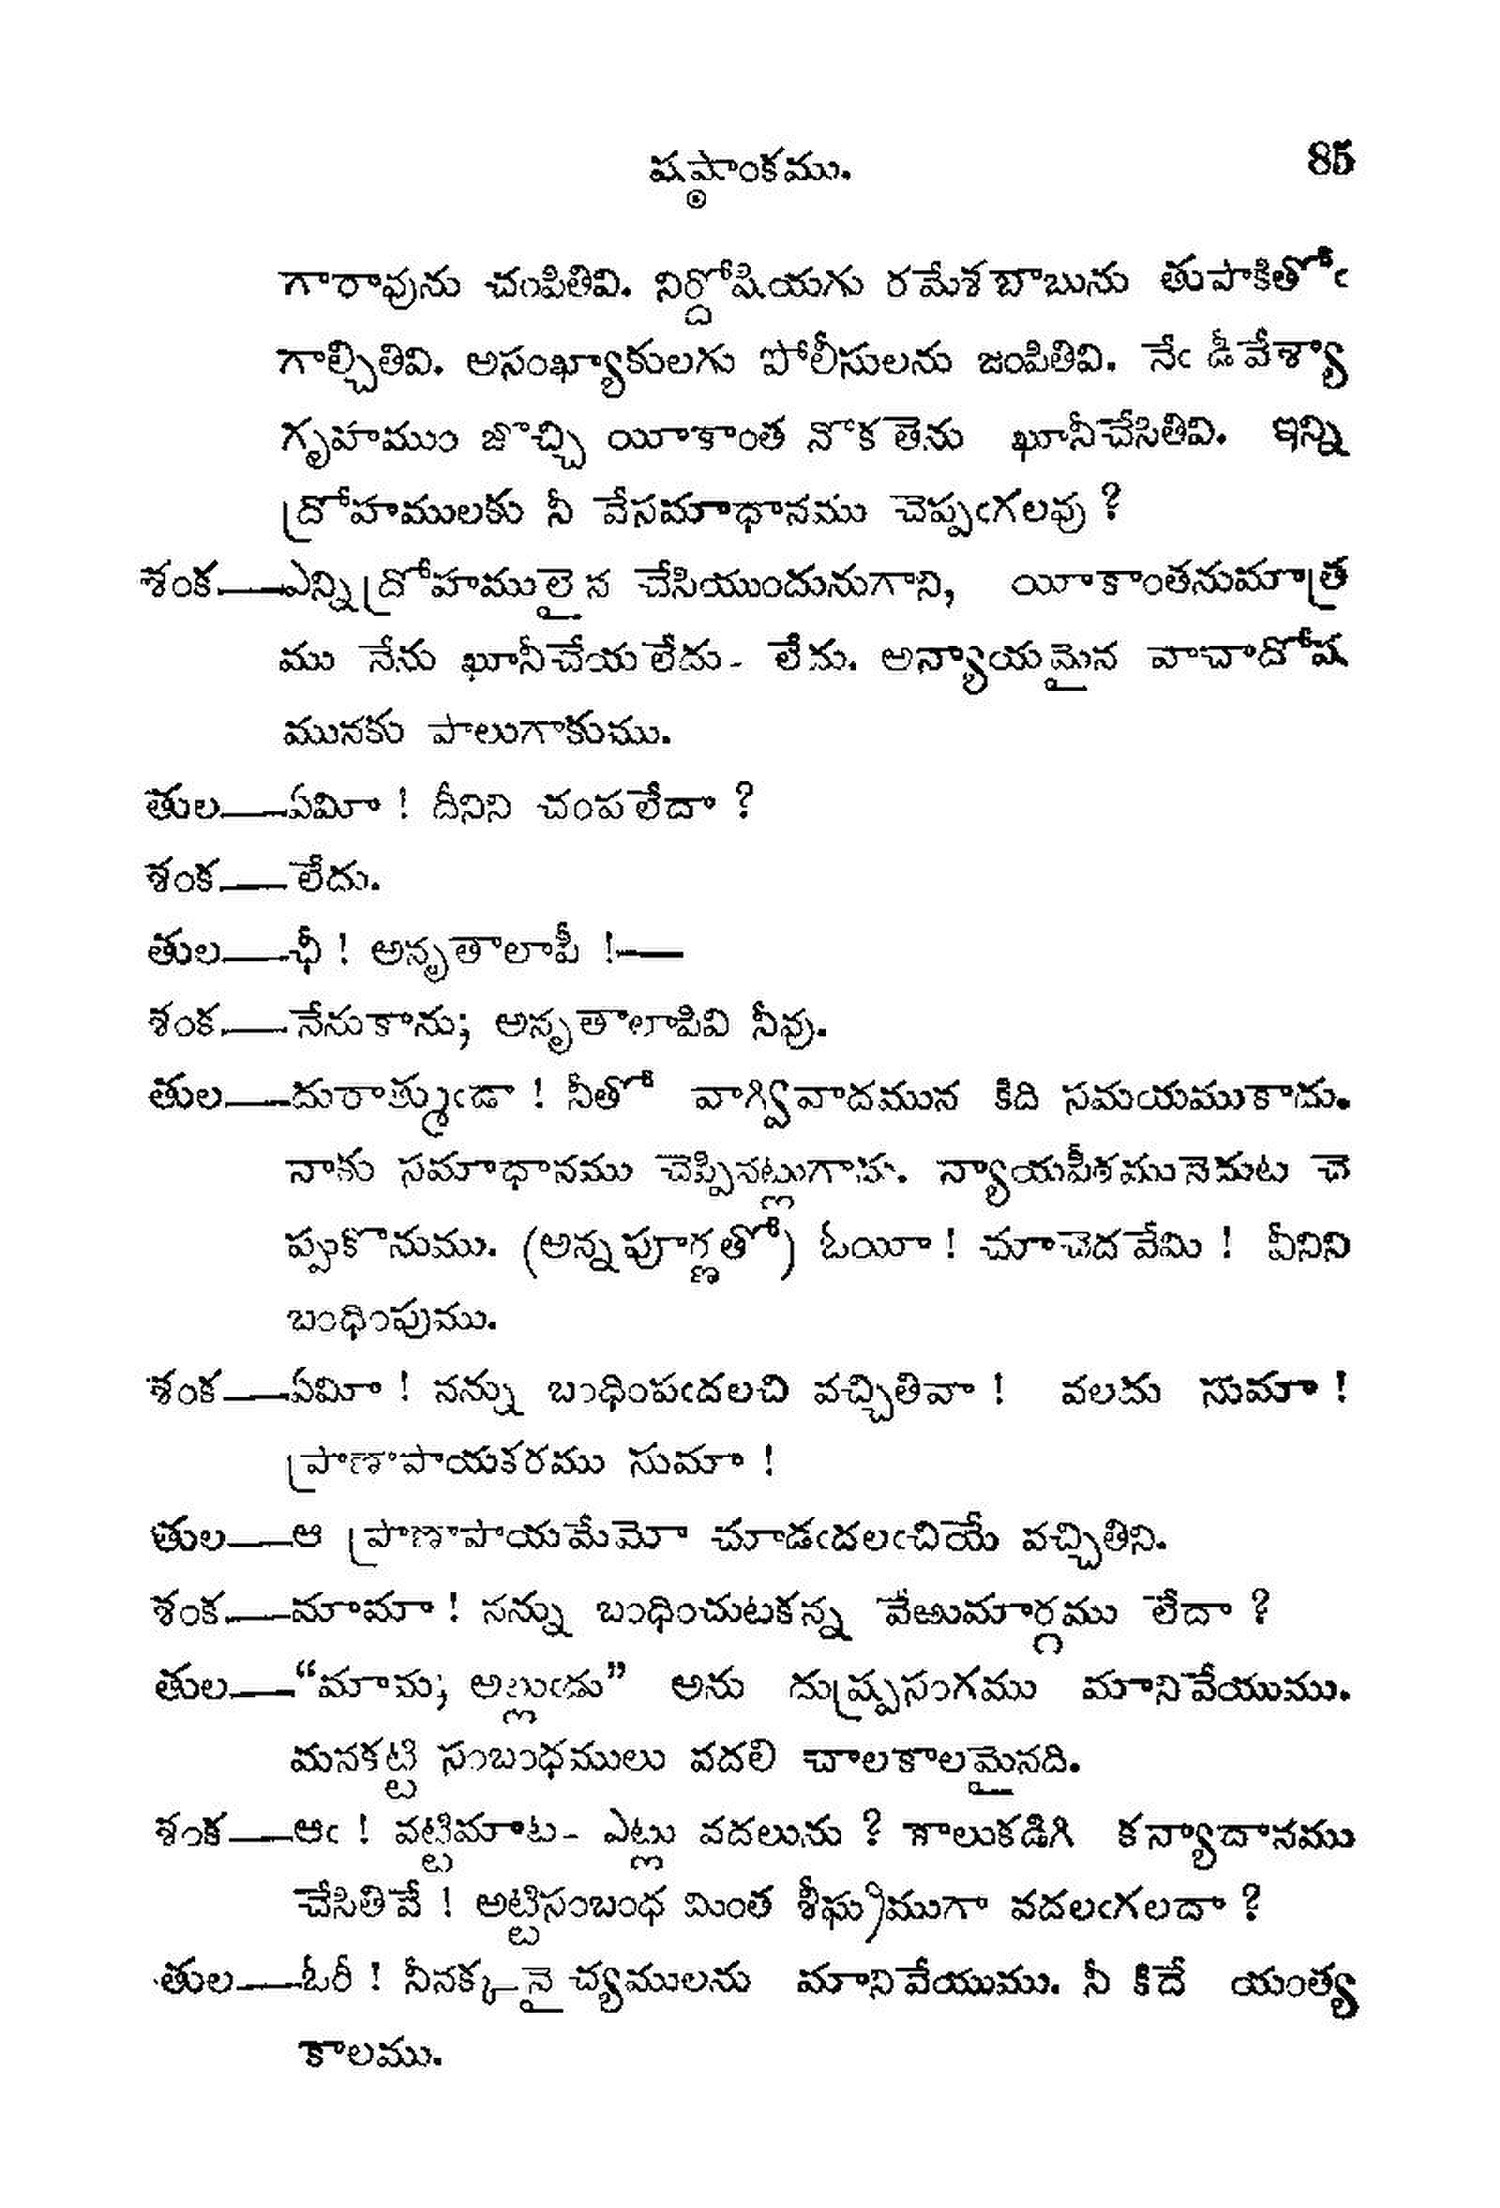గారావును చంపితివి. నిర్దోషియగు రమేశబాబును తుపాకీతోఁ గాల్చితివి. అసంఖ్యాకులను పోలీసులను జంపితివి. నేఁ డీ వేశ్యాగృహముం జొచ్చి యీకాంత నొకతెను ఖూనీచేసితివి. ఇన్ని
ద్రోహములకు నీ వేసమాధానము చెప్పఁగలవు ?

శంక - ఎన్ని ద్రోహములైన చేసియుందునుగాని, యీకాంతను మాత్రము నేను ఖూనీచేయలేదు. లేదు. అన్యాయమైన వాచాదోషమునకు పాలుగాకుము.

తుల - ఏమీ ! దీనిని చంపలేదా ?

శంక - లేదు.

తుల - చీ ! అనృతాలాపీ !-

శంక — నేనుకాను; అనృతాలాపివి నీవు.

తుల - దురాత్ముఁడా ! నీతో వాగ్వివాదమున కిది సమయముకాదు. నాకు సమాధానము చెప్పినట్లుగాదు. న్యాయపీఠమునెదుట చెప్పుకొనుము. (అన్నపూర్ణతో) ఓయీ ! చూచెదవేమి ! వీనిని
బంధింపుము.

శంక - ఏమీ ! నన్ను బధింపఁదలచి వచ్చితివా ! వలదు సుమా ! ప్రాణాపాయకరము సుమా !

తుల - ఆ ప్రాణాపాయమేమో చూడఁదలఁచియే వచ్చితిని.

శంక - మామా ! నన్ను బంధించుటకన్న వేఱుమార్గము లేదా ?

తుల - “మామ, అల్లుడు” అను దుష్ప్రసంగము మానివేయుము. మనకట్టి సంబంధములు వదలి చాలకాలమైనది.

శంక - ఆఁ ! వట్టిమాట. ఎట్లు వదలును ? కాలుకడిగి కన్యాదానము చేసితివే ! అట్టిసంబంధ మింత శీఘ్రముగా వదలఁగలదా ?

తుల - ఓరీ ! నీనక్కనై చ్యములను మానివేయుము. నీ కిదే యంత్య కాలము.